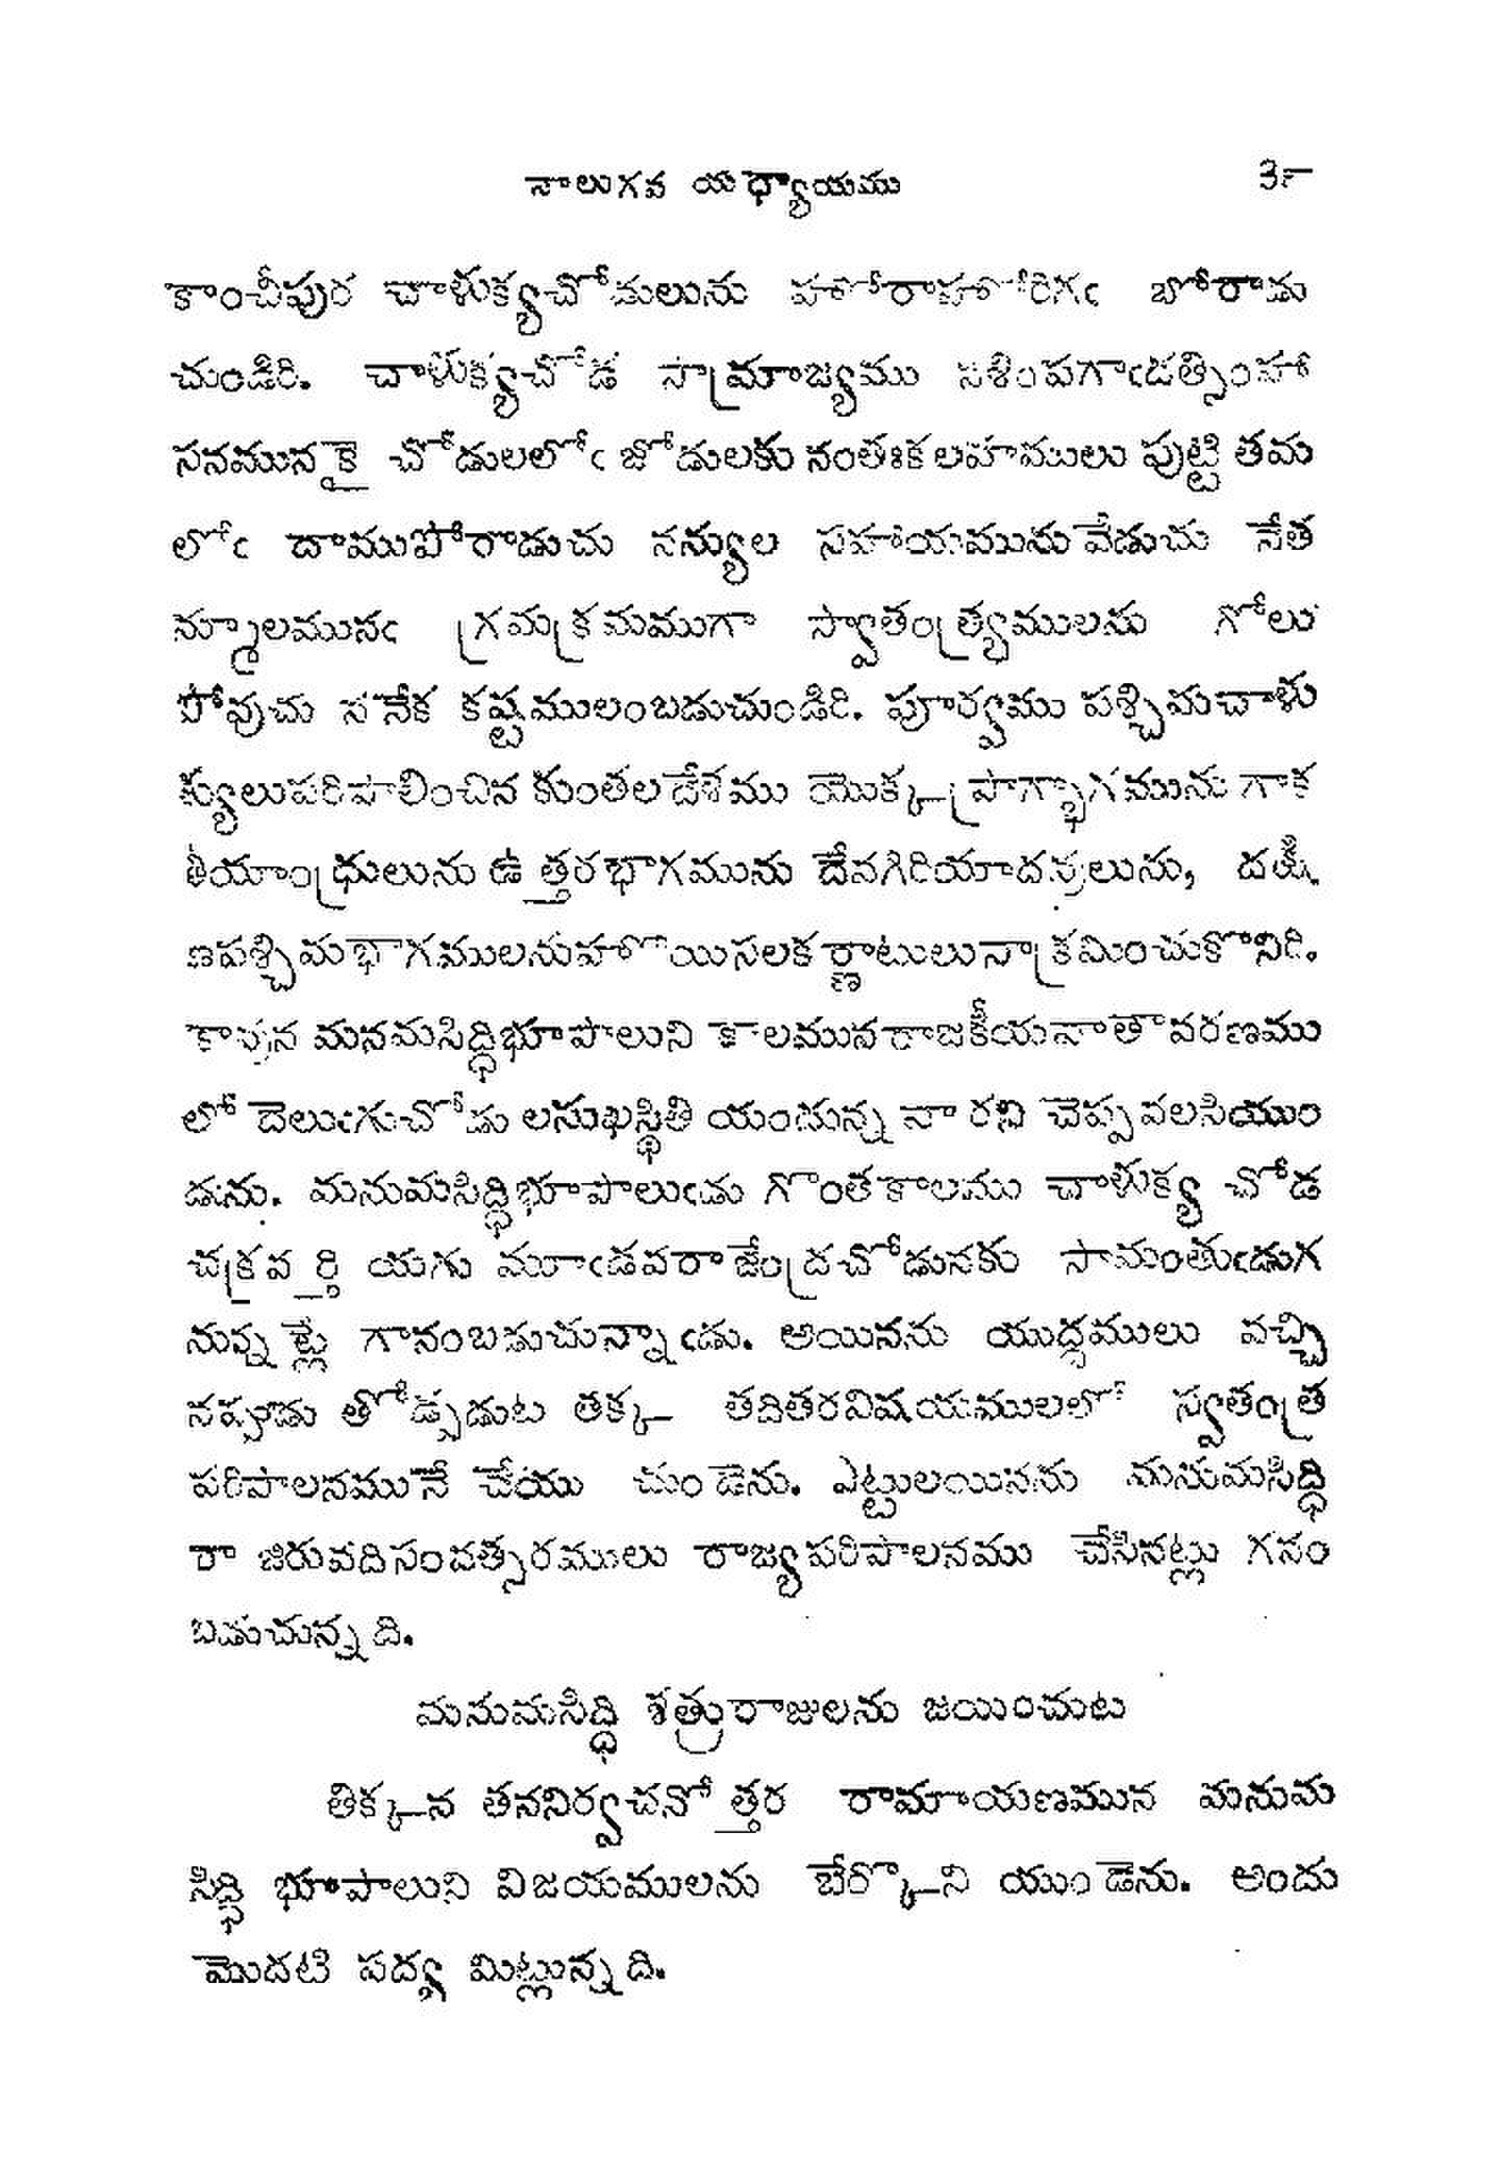కాంచీపుర చాళుక్యచోడులును హోరాహోరిగఁ బోరాడుచుండిరి. చాళుక్యచోడ సామ్రాజ్యము నశింపగాఁదత్సింహాసనమునకై చోడులలోఁ జోడులకు నంతఃకలహములు పుట్టి తమలోఁ దాముపోరాడుచు నన్యుల సహాయమునువేడుచు నేతన్మూలమునఁ గ్రమక్రమముగా స్వాతంత్ర్యములను గోలుపోవుచు ననేక కష్టములంబడుచుండిరి. పూర్వము పశ్చిమచాళుక్యులు పరిపాలించిన కుంతలదేశము యొక్క ప్రాగ్భాగమును గాకతీయాంధ్రులును ఉత్తరభాగమును దేవగిరియాదవులును, దక్షిణపశ్చిమభాగములను హోయిసలకర్ణాటులు నాక్రమించుకొనిరి. కావున మనమసిద్దిభూపాలుని కాలమున రాజకీయవాతావరణములో దెలుఁగుచోడు లసుఖస్థితి యందున్న వారని చెప్పవలసియుండను. మనుమసిద్దిభూపాలుఁడు గొంతకాలము చాళుక్య చోడచక్రవర్తి యగు మూఁడవరాజేంద్రచోడునకు సామంతుఁడుగ నున్నట్లే గానంబడుచున్నాఁడు. అయినను యుద్ధములు వచ్చినప్పుడు తోడ్చడుట తక్క తదితరవిషయములలో స్వతంత్ర పరిపాలనమునే చేయు చుండెను. ఎట్టులయినను మనుమసిద్ది రా జిరువదిసంవత్సరములు రాజ్యపరిపాలనము చేసినట్లు గనం బడుచున్నది.

మనుమసిద్ది శత్రురాజులను జయించుట 

తిక్కన తననిర్వచనోత్తర రామాయణమున మనుమసిద్ది భూపాలుని విజయములను బేర్కొని యుండెను. అందు మొదటి పద్య మిట్లున్నది.